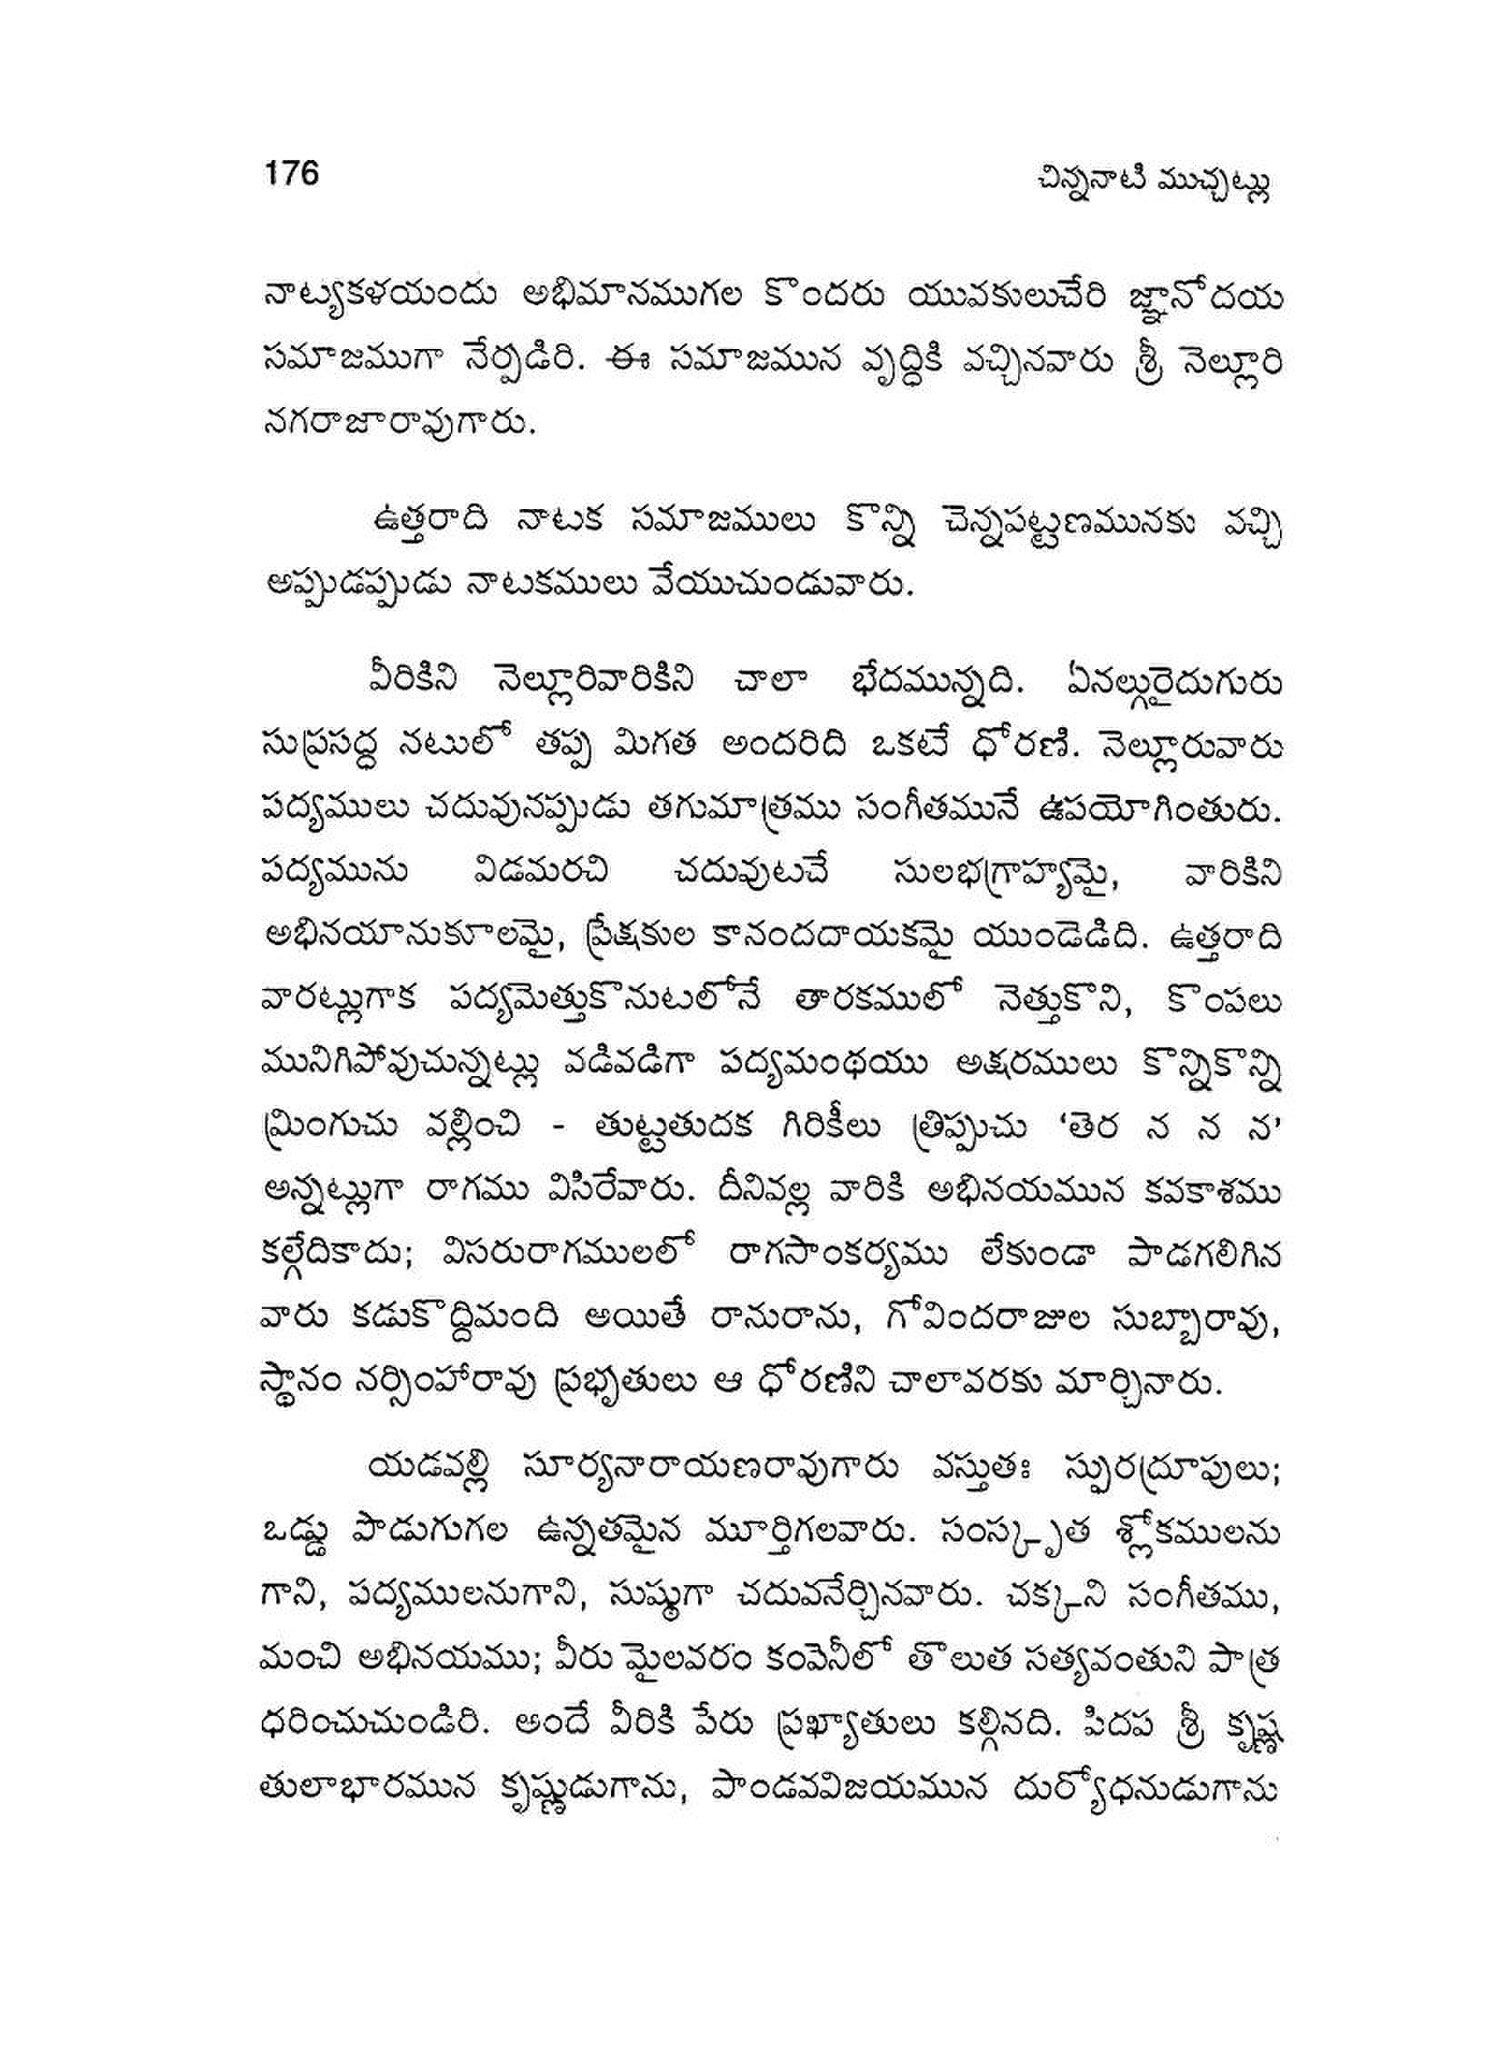నాట్యకళయందు అభిమానముగల కొందరు యువకులుచేరి జ్ఞానోదయ సమాజముగా నేర్పడిరి. ఈ సమాజమున వృద్ధికి వచ్చినవారు శ్రీ నెల్లూరి నగరాజారావుగారు.

ఉత్తరాది నాటక సమాజములు కొన్ని చెన్నపట్టణమునకు వచ్చి అప్పడప్పడు నాటకములు వేయుచుండువారు.

వీరికిని నెల్లూరివారికిని చాలా భేదమున్నది. ఏనల్గురైదుగురు సుప్రసిద్ద నటులో తప్ప మిగత అందరిది ఒకటే ధోరణి. నెల్లూరువారు పద్యములు చదువునప్పడు తగుమాత్రము సంగీతమునే ఉపయోగింతురు. పద్యమును విడమరచి చదువుటచే సులభగ్రాహ్యమై, వారికిని అభినయానుకూలమై, ప్రేక్షకుల కానందదాయకమై యుండెడిది. ఉత్తరాది వారట్లుగాక పద్యమెత్తుకొనుటలోనే తారకములో నెత్తుకొని, కొంపలు మునిగిపోవుచున్నట్టు వడివడిగా పద్యమంతయు అక్షరములు కొన్నికొన్ని మ్రింగుచు వల్లించి - తుట్టతుదక గిరికీలు త్రిప్పుచు 'తెర న న న' అన్నట్లుగా రాగము విసిరేవారు. దీనివల్ల వారికి అభినయమున కవకాశము కల్గేదికాదు; విసరురాగములలో రాగసాంకర్యము లేకుండా పాడగలిగిన వారు కడుకొద్దిమంది అయితే రానురాను, గోవిందరాజుల సుబ్బారావు, స్థానం నర్సింహారావు ప్రభృతులు ఆ ధోరణిని చాలావరకు మార్చినారు.

యడవల్లి సూర్యనారాయణరావుగారు వస్తుతః స్ఫురద్రూపులు; ఒడ్డు పొడుగుగల ఉన్నతమైన మూర్తిగలవారు. సంస్కృత శ్లోకములను గాని, పద్యములనుగాని, సుష్ఠుగా చదువనేర్చినవారు. చక్కని సంగీతము, మంచి అభినయము; వీరు మైలవరం కంపెనీలో తొలుత సత్యవంతుని పాత్ర ధరించుచుండిరి. అందే వీరికి పేరు ప్రఖ్యాతులు కల్గినది. పిదప శ్రీ కృష్ణ తులాభారమున కృష్ణుడుగాను, పాండవవిజయమున దుర్యోధనుడుగాను